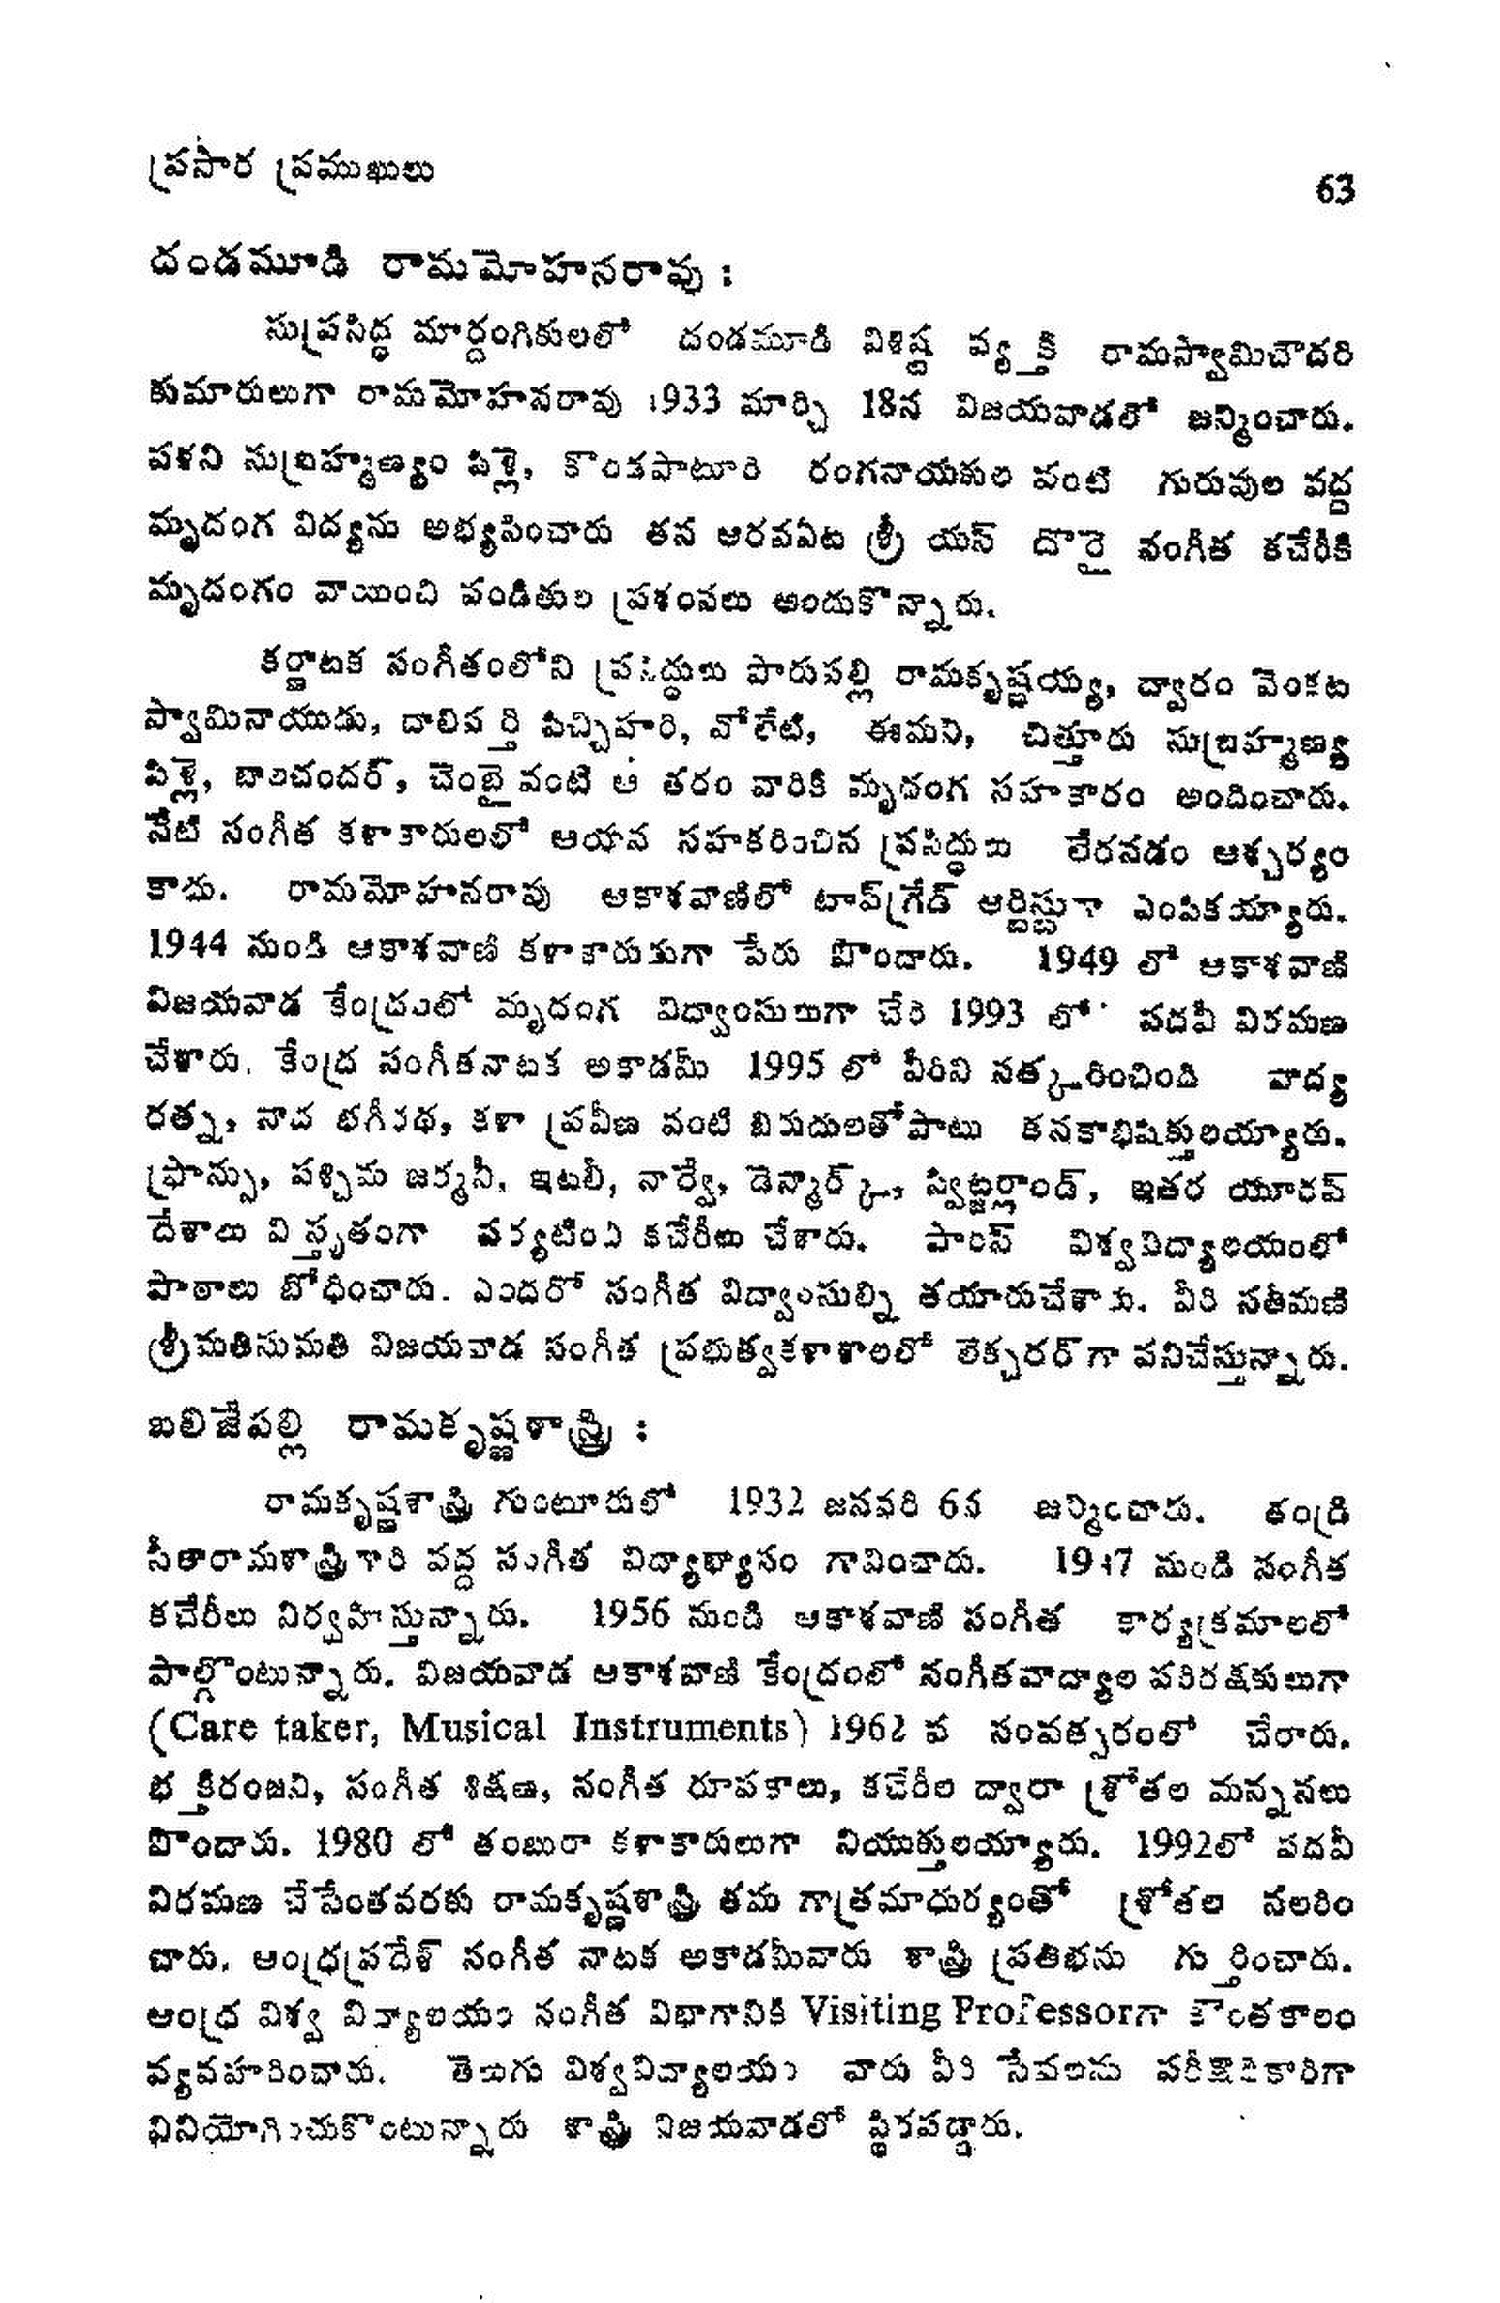సుప్రసిద్ధ మార్దంగికులలో దండమూడి విశిష్ట వ్యక్తి రామస్వామి చౌదరి కుమారులుగా రామమోహనరావు 1933 మార్చి 18న విజయవాడలొ జన్మించారు. పళని సుబ్రహ్మణ్యం పిళ్లె, కొండపాటూరి రంగనాయకుల వంటి గురువుల వద్ద మృదంగ విద్యను అభ్యసించారు. తన ఆరవ ఏట శ్రీ యస్ దొరై సంగీత కచేరీకి మృదంగం వాయించి పండితుల ప్రశంసలు అందుకొన్నారు.

కర్ణాటక సంగీతంలోని ప్రసిద్ధులు పారుపల్లి రామకృష్ణయ్య, ద్వారం వెంకట స్వామినాయుడు, దాలిపర్తి పిచ్చిహరి, వోలేటి, ఈమని, చిత్తూరు సుబ్రహ్మణ్య పిళ్లె, బాలచందర్, చెంబై వంటి ఆ తరం వారికి మృదంగ సహకారం అందించారు. నేటి సంగీత కళాకారులలో ఆయన సహకరించని ప్రసిద్ధులు లేరనడం ఆశ్చర్యం కాదు. రామమోహనరావు ఆకాశవాణిలో టాప్ గ్రేడ్ ఆర్టిస్టుగా ఎంపికయ్యారు. 1944 నుండి ఆకాశవాణి కళాకారుడుగా పేరుపొందారు. 1949 లో ఆకాశవాణి విజయవాడ కేంద్రంలొ మృదంగ విద్వాంసులుగా చేరి 1993 లో పదవీ విరమణ చేశారు. కేంద్ర సంగీత నాటక అకాడమి 1995 లో వీరిని సత్కరించింది. వాద్యరత్న నాద భగీరథ, కళా ప్రవీణ వంటి బిరుదులతో పాటు కనకాభిషిక్తులయ్యారు. ఫ్రాన్స్, పశ్చిమ జర్మనీ, ఇటలీ, నార్వే, డెన్మార్క్, స్విట్జర్లాండ్, ఇతర యూరప్ దేశాలు విస్తృతంగా పర్యటించి కచేరీలు చేశారు. పాంప్ విశ్వవిద్యాలయంలో పాఠాలు బోధించారు. ఎందరో సంగీత విద్వాంసుల్ని తయారుచేశారు. వీరి సతీమణి శ్రీమతి సుమతి విజయవాడ సంగీత ప్రభుత్వ కళాశాలలో లెక్చరర్ గా పనిచేస్తున్నారు.

రామకృష్ణశాస్త్రి గుంటూరులో 1932 జనవరి 6వ జన్మించారు. తండ్రి సీతారామశాస్త్రి గారి వద్ద సంగీత విద్యాభ్యాసం గావించారు. 1947 నుండి సంగీత కచేరీలు నిర్వహిస్తున్నారు. 1956 నుండి ఆకాశవాణి సంగీత కార్యక్రమాలలో పాల్గొంటున్నారు. విజయవాడ ఆకాశవాణి కేంద్రంలో సంగీతవాద్యాల పరిరక్షకులుగా (Care taker, Musical Instruments) 1962 వ సంవత్సరంలో చేరారు. భక్తిరంజని, సంగీత శిక్షణ, సంగీత రూపకాలు, కచేరిల ద్వారా శ్రోతల మన్ననలు పొందారు. 1980 లో తంబురా కళాకారులుగా నియుక్తులయ్యారు. 1992లో పదవీ విరమణ చేసేంతవరకు రామకృష్ణశాస్త్రి తమ గాత్రమాధుర్యంతో శ్రోతల నలరించారు. ఆంధ్రప్రదేశ్ సంగీత నాటక అకాడమీవారు శాస్త్రి ప్రతిభను గుర్తించారు. ఆంధ్ర విశ్వవిద్యాలయం సంగీత విభాగానికి Visiting Professor గా కొంతకాలం వ్యవహరించారు. తెలుగు విశ్వవిద్యాలయం వారు వీరి సేవలను పరిక్షాధికారిగా వినియోగించుకొంటున్నారు. శాస్త్రి విజయవాడలో స్థిరపడ్డారు.